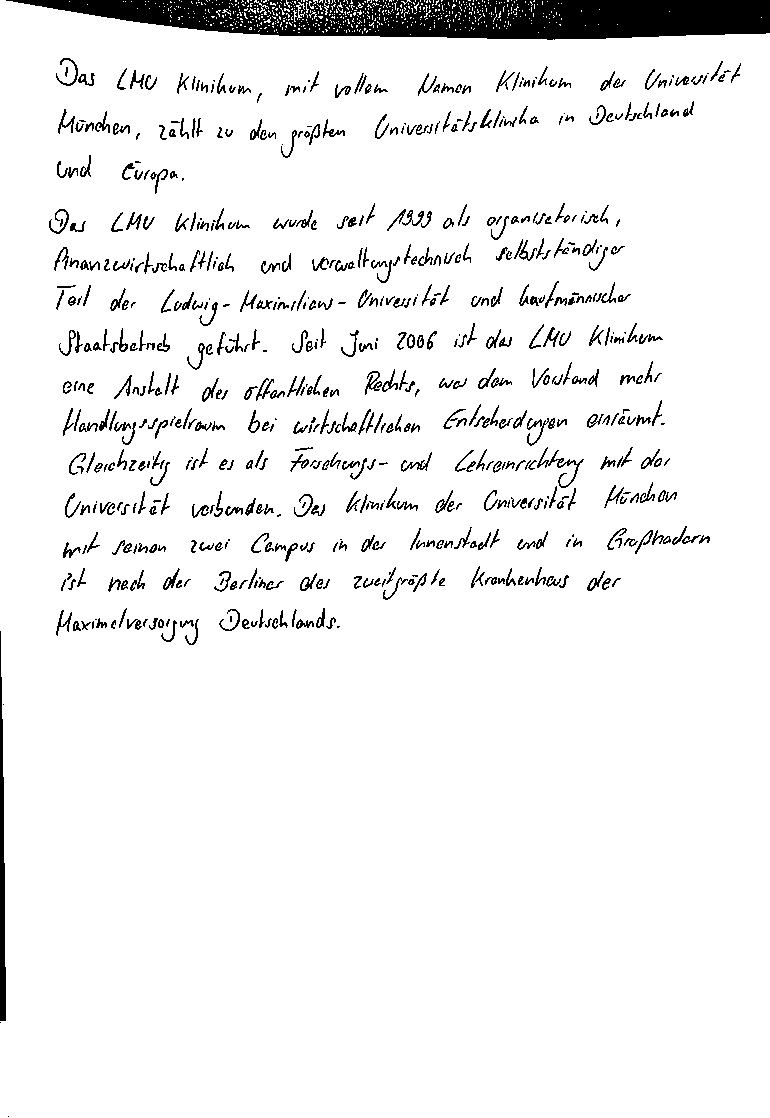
Das LMU Klinikum, mit vollem Namen Klinikum der Universität
München, zählt zu den größten Universitätsklinika in Deutschland
und Europa.
Das LMU Klinikum wurde seit 1999 als organisatorisch,
finanzwirtschaftlich und verwaltungstechnisch elbstständiger
Teil der Ludwig- Maximilians- Universität und kaufmännischer
Staatsbetrieb geführt. Seit Juni 2006 ist des LMU Klinikum
eine Anstalt des öffentlichen Rechts, was dem Vorstand mehr
Handlungsspielraum bei wirtschaftlichen Entscheidungen einräumt.
Gleichzeitig ist es als Forschungs- und Lehreinrichtung mit der
Universität verbunden. Das Klinikum der Universität München
mit seinen zwei Campus in der Innenstadt und in Großhadern
ist nach der Berliner das zweitgrößte Krankenhaus der
Maximalversorgung Deutschlands.
